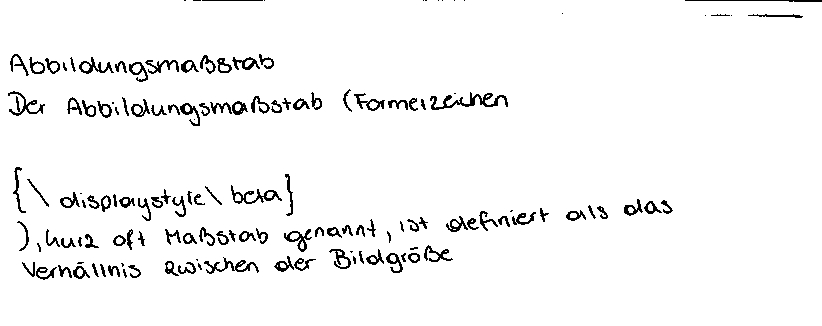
Abbildungsmaßstab
Der Abbildungsmaßstab (Formelzeichen
{\displaystyle \beta }
kurz oft Maßstab genannt, ist definiert als das
Verhältnis zwischen der Bildgröße
